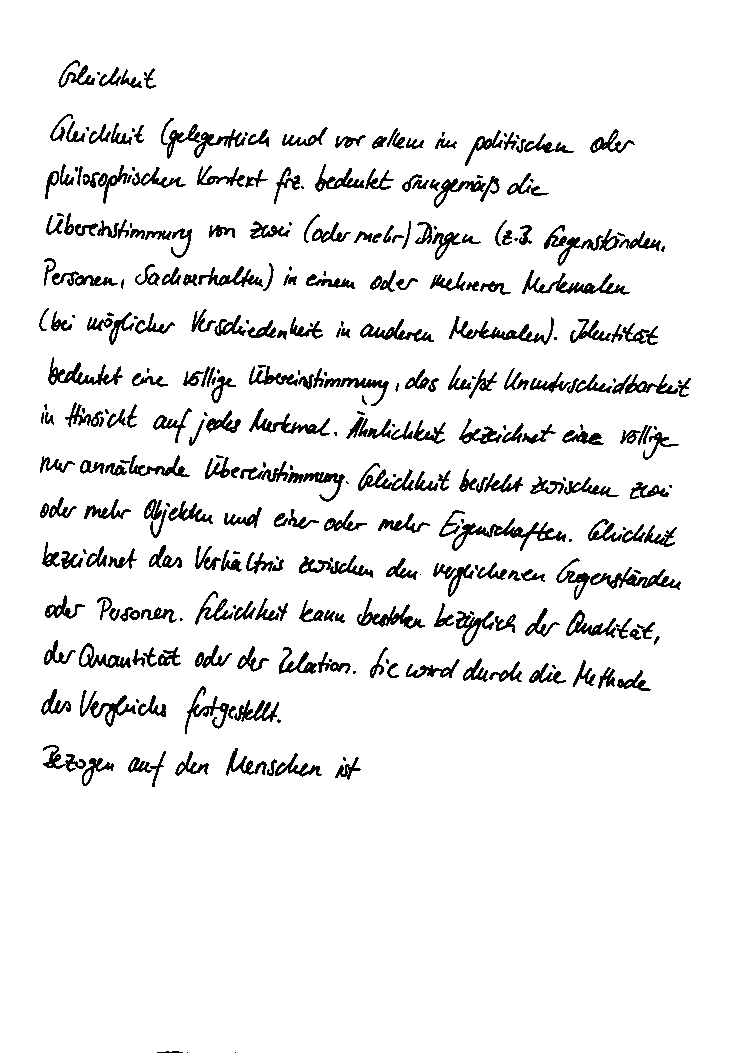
Gleichheit
Gleichheit (gelegentlich und vor allem im politischen oder
philosophischen Kontext frz. bedeutet sinngemäß die
Übereinstimmung von zwei (oder mehr) Dingen (z. B. Gegenständen,
Personen, Sachverhalten) in einem oder mehreren Merkmalen
(bei möglicher Verschiedenheit in anderen Merkmalen). Identität
bedeutet eine völlige Übereinstimmung, das heißt Ununterscheidbarkeit
in Hinsicht auf jedes Merkmal. Ähnlichkeit bezeichnet eine nur
nur annähernde Übereinstimmung. Gleichheit besteht zwischen zwei
oder mehr Objekten und einer oder mehr Eigenschaften. Gleichheit
bezeichnet das Verhältnis zwischen den verglichenen Gegenständen
oder Personen. Gleichheit kann bestehen bezüglich der Qualität,
der Quantität oder der Relation. Sie wird durch die Methode
des Vergleichs festgestellt.
Bezogen auf den Menschen ist
